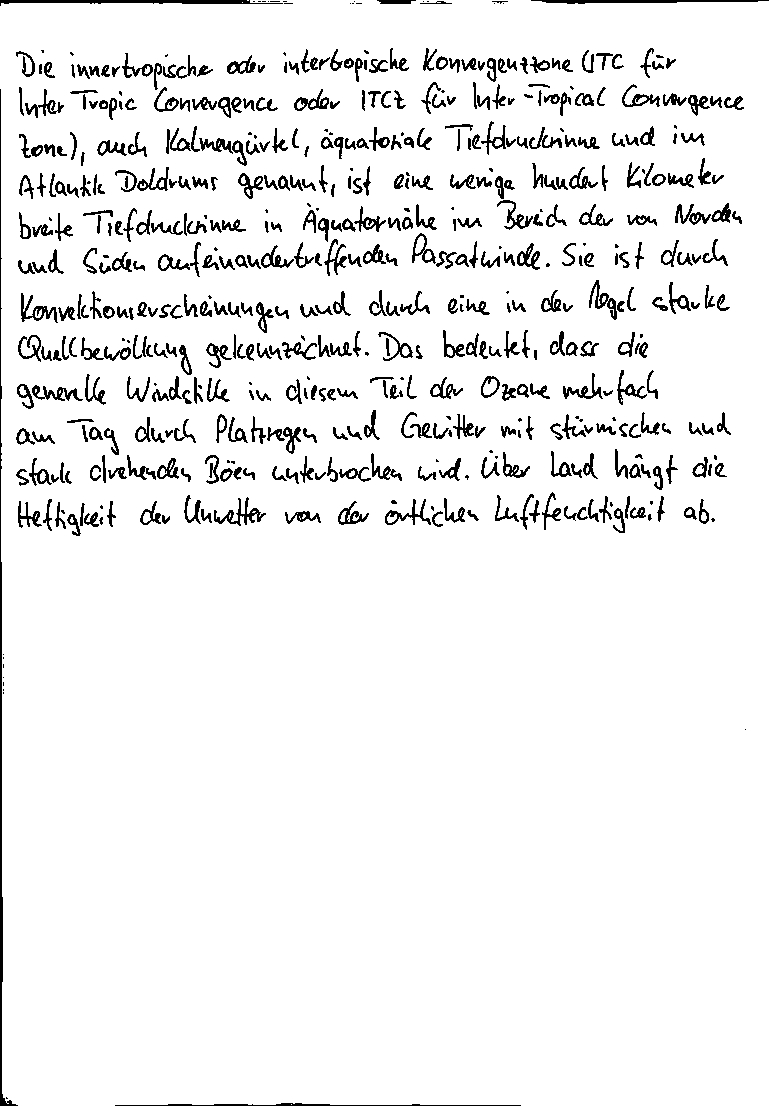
Die innertropische oder intertropische Konvergenzzone (ITC für
nter Tropic Convergence oder ITCZ für Inter-Tropical Convergence
Zone), auch Kalmengürtel, äquatoriale Tiefdruckrinne und im
Atlantik Doldrums genannt, ist eine wenige hundert Kilometer
breite Tiefdruckrinne in Äquatornähe im Bereich der von Norden
und Süden aufeinandertreffenden Passatwinde. Sie ist durch
Konvektionserscheinungen und durch eine in der Regel starke
Quellbewölkung gekennzeichnet. Das bedeutet, dass die
generelle Windstille in diesem Teil der Ozeane mehrfach
am Tag durch Platzregen und Gewitter mit stürmischen und
stark drehenden Böen unterbrochen wird. Über Land hängt die
Heftigkeit der Unwetter von der örtlichen Luftfeuchtigkeit ab.
